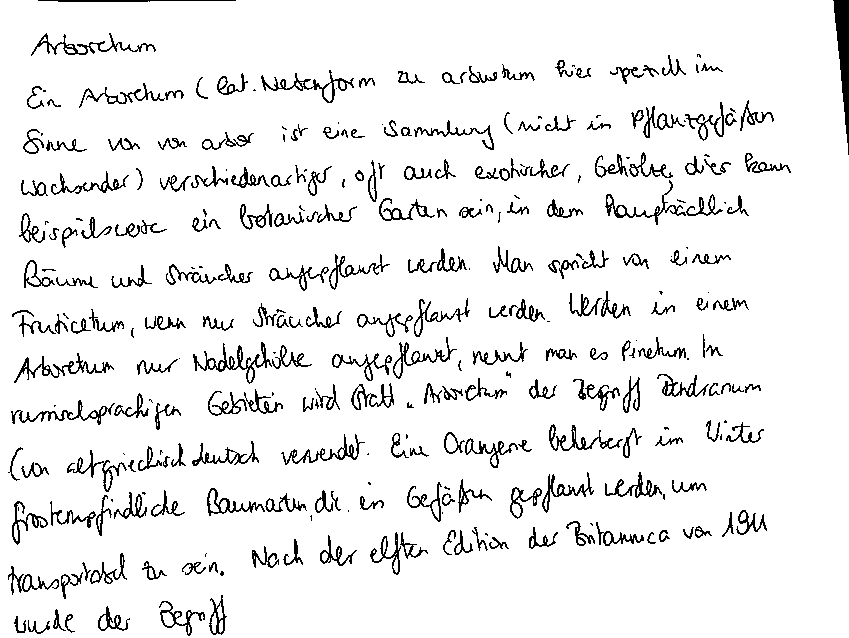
Arboretum
Ein Arboretum (lat. Nebenform zu arbustum hier speziell im
Sinne von von arbor ist eine Sammlung (nicht in Pflanzgefäßen
wachsender) verschiedenartiger, oft auch exotischer, Gehölze; dies kann
beispielsweise ein botanischer Garten sein, in dem hauptsächlich
Bäume und Sträucher angepflanzt werden. Man spricht von einem
Fruticetum, wenn nur Sträucher angepflanzt werden. Werden in einem
Arboretum nur Nadelgehölze angepflanzt, nennt man es Pinetum. In
russischsprachigen Gebieten wird statt "Arboretum" der Begriff Dendrarium
(von altgriechisch deutsch verwendet. Eine Orangerie beherbergt im Winter
frostempfindliche Baumarten, die in Gefäßen gepflanzt werden, um
transportabel zu sein. Nach der elften Edition der Britannica von 1911
wurde der Begriff
